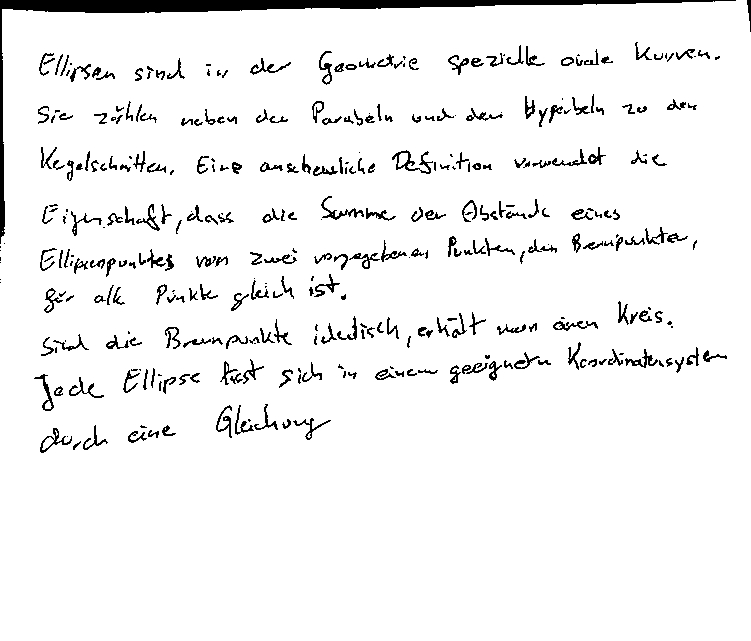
Ellipsen sind in der Geometrie spezielle ovale Kurven.
Sie zählen neben den Parabeln und den Hyperbeln zu den
Kegelschnitten. Eine anschauliche Definition verwendet die
Eigenschaft, dass die Summe der Abstände eines
Ellipsenpunktes von zwei vorgegebenen Punkten, den Brennpunkten,
für alle Punkte gleich ist,
Sind die Brennpunkte identisch, erhält man einen Kreis.
Jede Ellipse lässt sich in einem geeigneten Koordinatensystem
durch eine Gleichung
